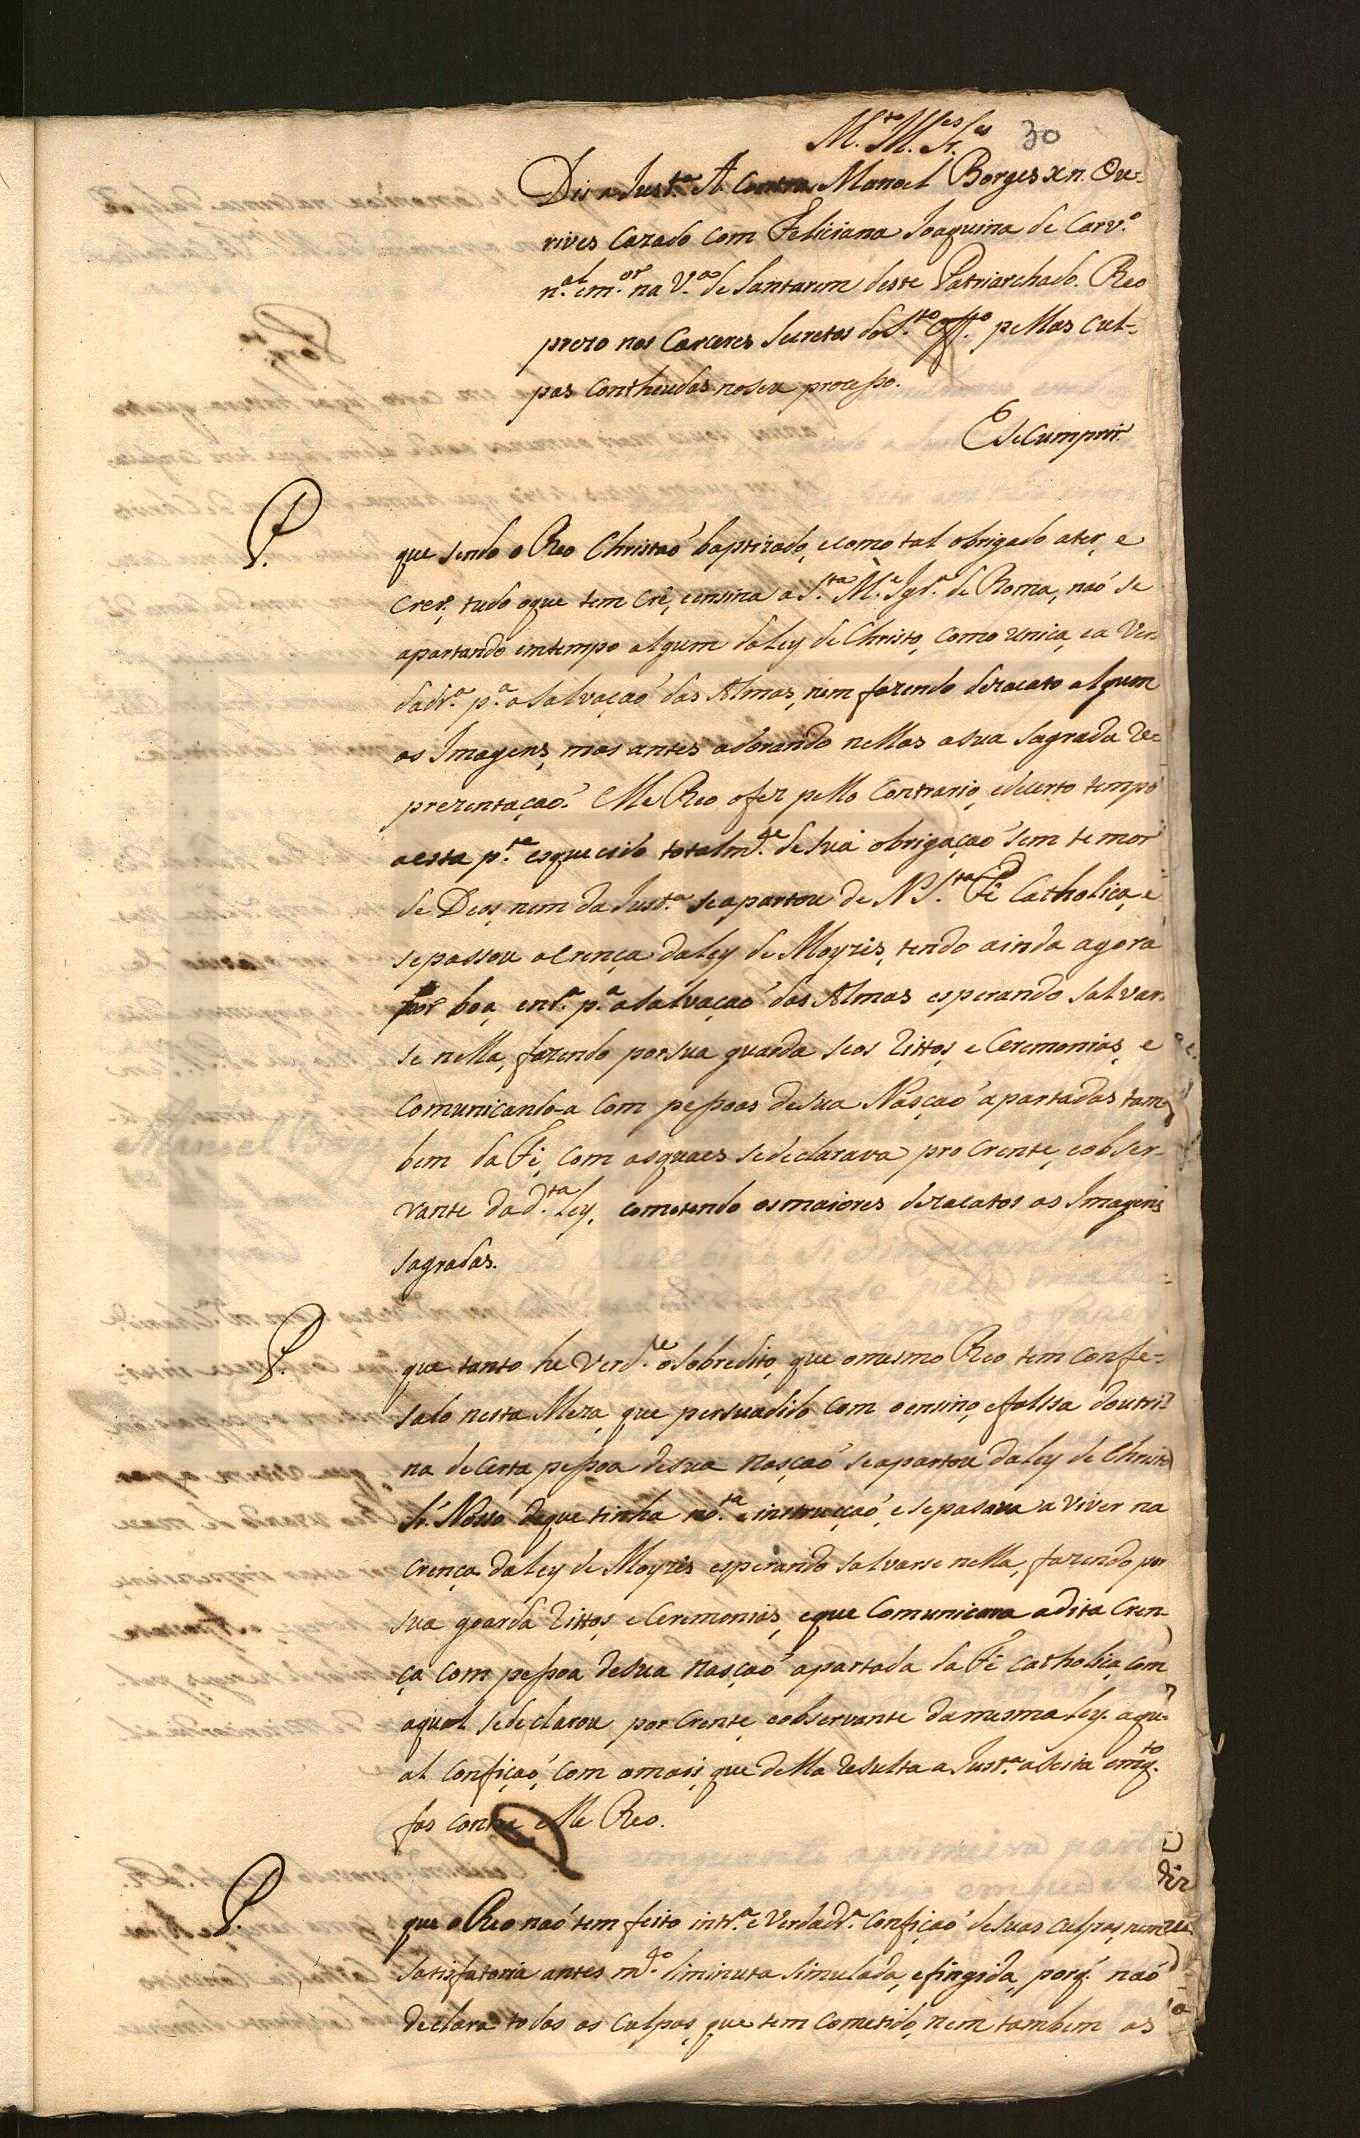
M.to Ill.es Sr.es
Dis a Iust.a A contra Manoel Borges x n. Ou
rives cazado com Feliciana Ioaquina de Carv.o
n.al e m.or na V.a se Santarem deste Patriarchado. Reo
preso nos carceres Secretos do S.to Off.o pellas cul
pas contheudas no seu processo.
E se cumprir
P. que sendo o Reo Christaõ baptizado, e como tal obrigado a ter, e
crer, tudo o que tem crê, e ensina a S.ta M.e Igr.a de Roma, naõ se
apartando em tempo algum da Ley de Christo, como unica, e a ver
dadr.a p.a a salvaçaõ das Almas, nem fazendo dezacato algum
as Imagens, mas antes adorando nellas a sua sagrada Re
prezentaçaõ. Elle Reo o fez pello Contrario, e de certo tempo
a esta p.te esquecido totalm.te de sua obrigaçaõ sem temor
de Deos, nem da Iust.a se apartou de N. S.ta Fê Catholica, e
se passou a crença da Ley de Moyzés, tendo ainda agora
por boa, enr.a p.a a salvaçaõ das Almas esperando salvar
se nella, fazendo por sua guarda seos Rittos, e Ceremonias, e
comunicando-a com pessoas de sua Nasçaõ apartadas tam
bem da Fé, com as quaes se declarava pro crente, e obser
vante da d.ta ley, cometendo os maiores dezacatos as Imagens
sagradas.
P. que tanto he verd.a o sobredito, que o mesmo Reo tem confe
sado nesta Meza, que persuadido com o ensino, e falssa doutri
na de certa pessoa de sua nasçaõ se apartou da ley de Christo
Sr̄. Nosso de que tinha no.ta e instrucçaõ, e se pasava a viver na
crença da Ley de Moyzés esperando salvarse nella, fazendo por
sua goarda Rittos, e Ceremonias, e que Comunicara a dita cren
ça com pessoa de sua nasçaõ apartada da Fé catholica, com
a qual se declarou por crente, e observante da mesma Ley a qu
al confiçaõ, com o mais, que della Resulta a Iust.a aseita emqto;
fas contra elle Reo.
P. que o Reo naõ tem feito intr.a e verdadr.a confiçaõ de suas culpas nem
satisfatoria antes m.to diminuta simulada, e fingida, porq̄ naõ
declara todas as culpas, que tem cometido, nem tambem as
